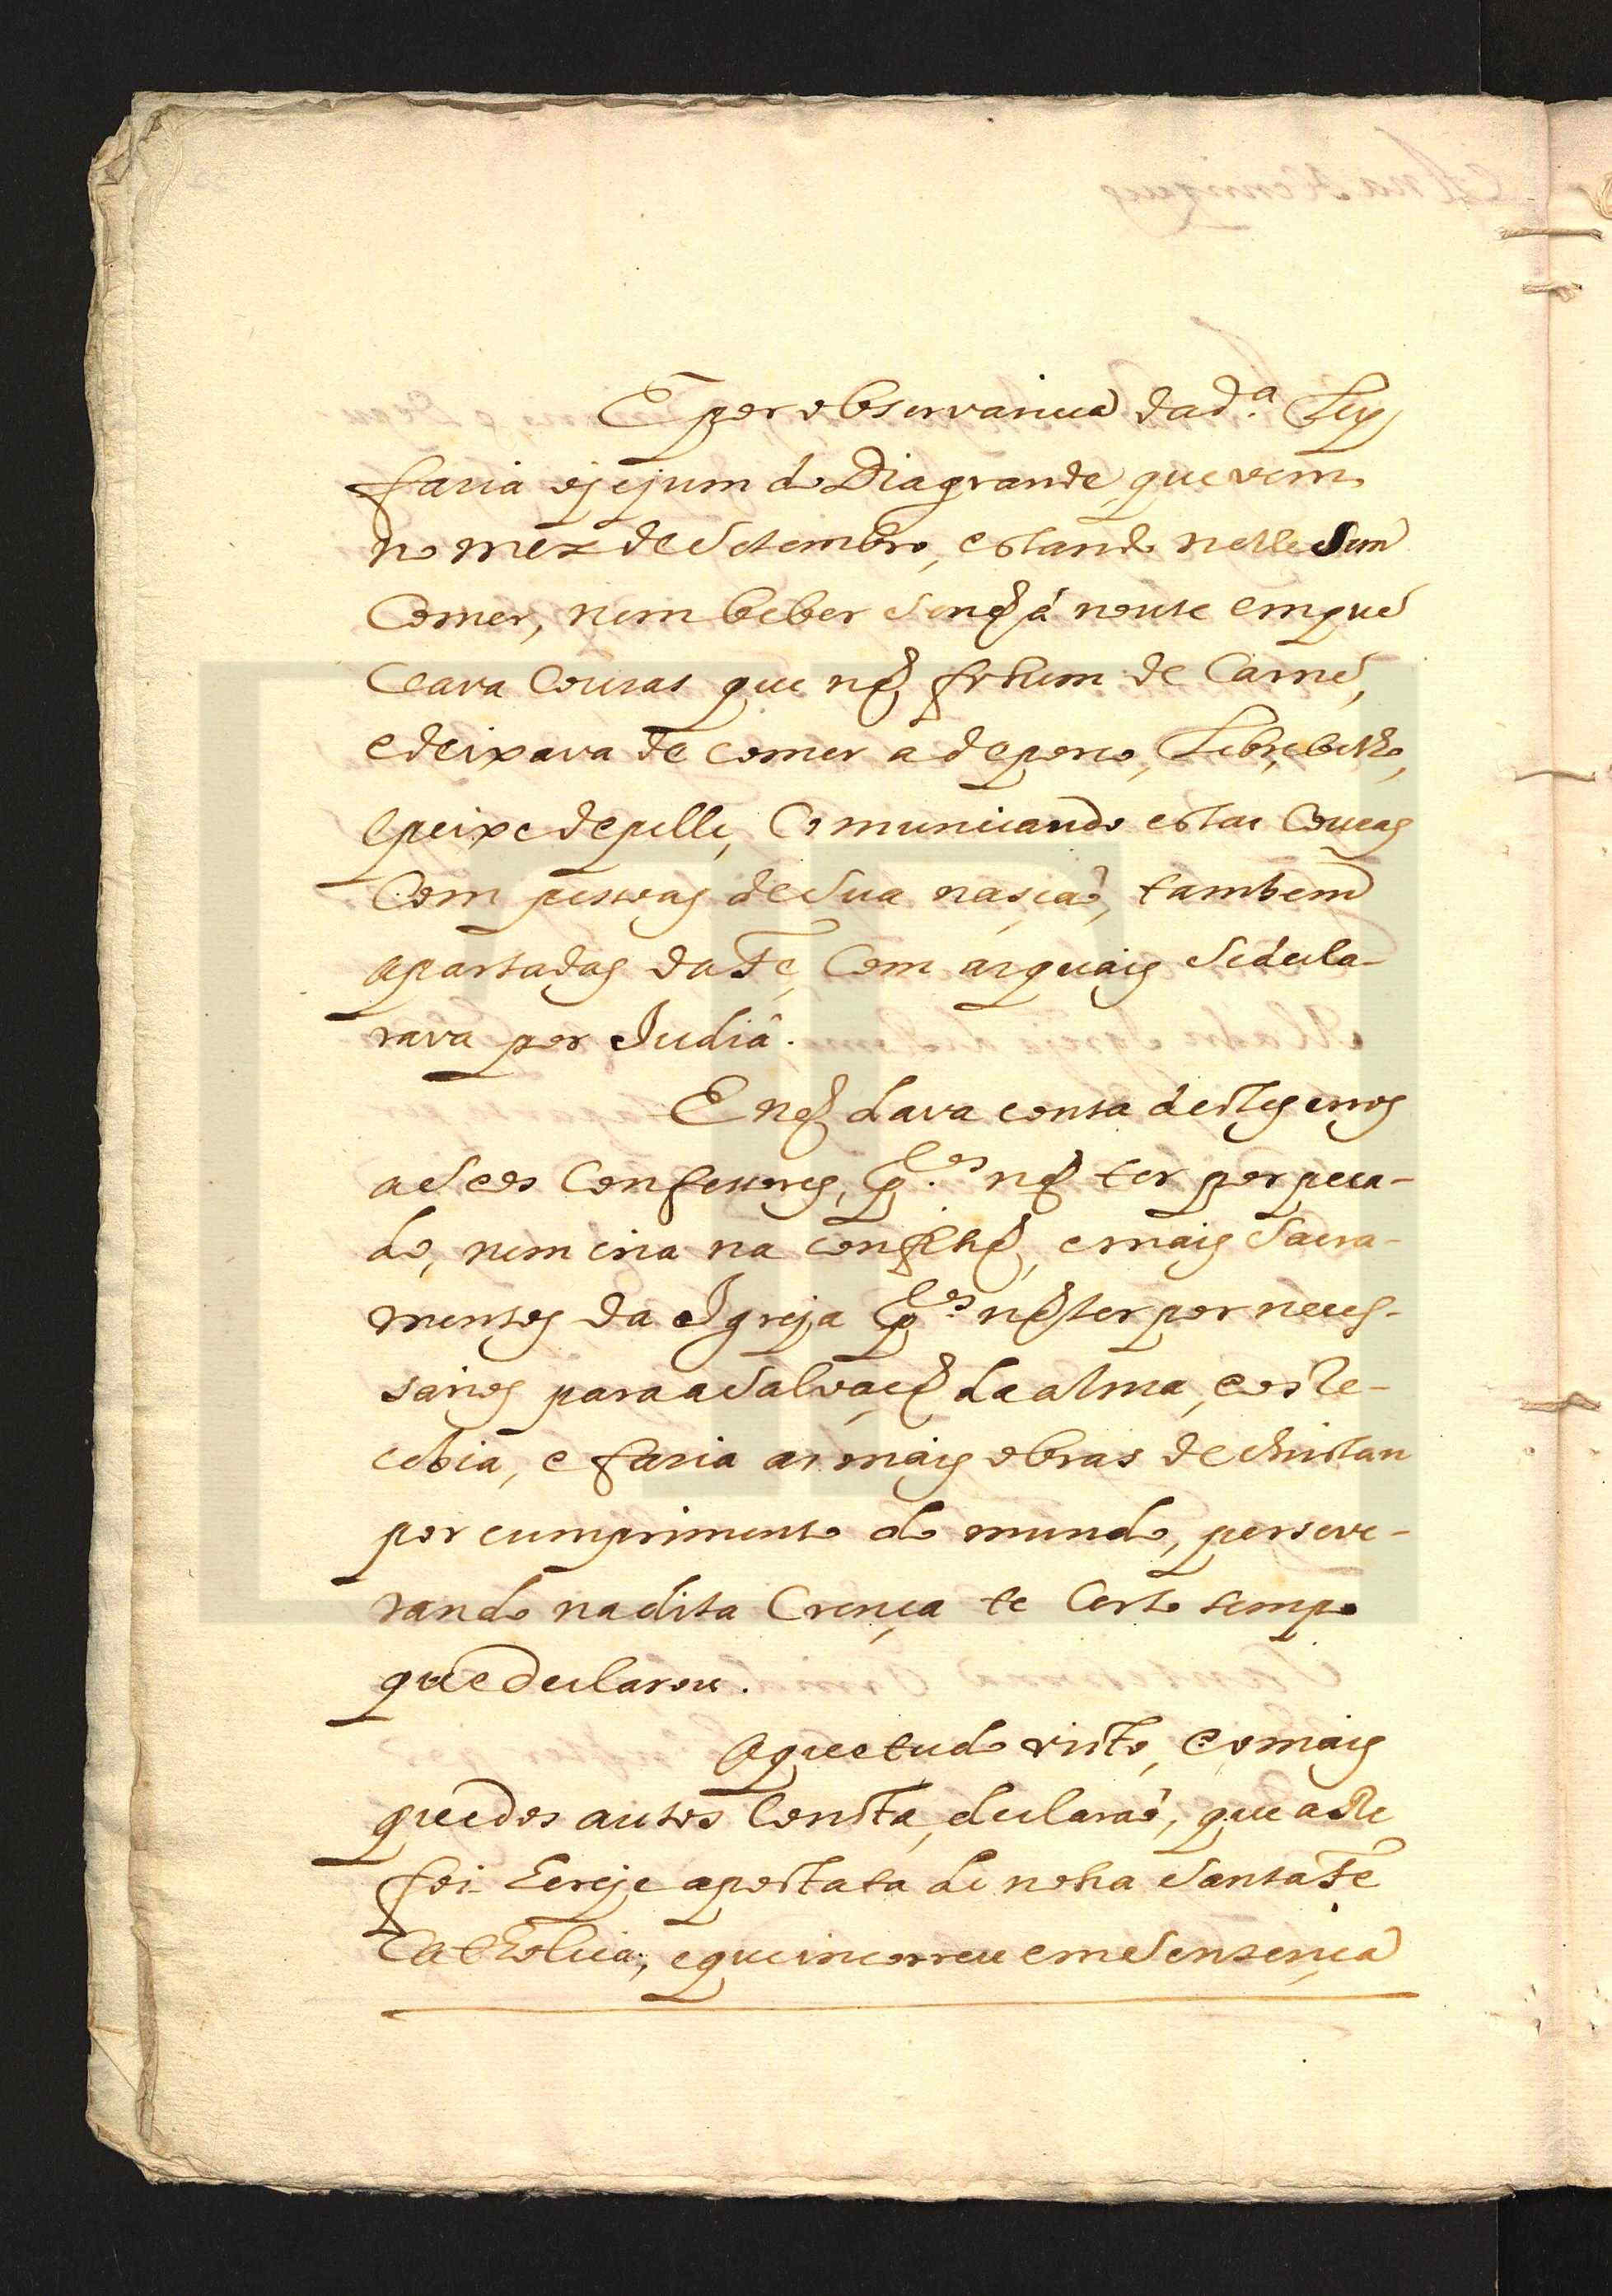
E por observancia da d.a Ley
fazia o jejum do Dia grande, que vem
no mez de setembro, estando nelle sem
Comer, nem beber senaõ á noute em que
Ceava couzas que naõ fosem de carne,
e deixava de comer a de porco, Lebre, Coelho,
e peixe de pelle, comunicando estas couzas
Com pessoas de sua nasçaõ, tambem
apartadas da Fe, com as quais se decla
rava por Iudia.
E naõ dava conta destes erros
a seos confessores, p.los naõ ter por peca
do, nem cria na confissaõ, e mais sacra
mentos da Igreja p.los naõ ter por neces
sarios para a salvaçaõ da alma, e os Re
cebia, e fazia as mais obras de christan
por cumprimento do mundo, perseve
rando na dita Crença te certo tempo
que declarou.
O que tudo visto, e o mais
que dos autos Consta, declaraõ, que a Re
foi hereje apostata de nossa santa Fe
Catholica; e que incorreu em sentença
